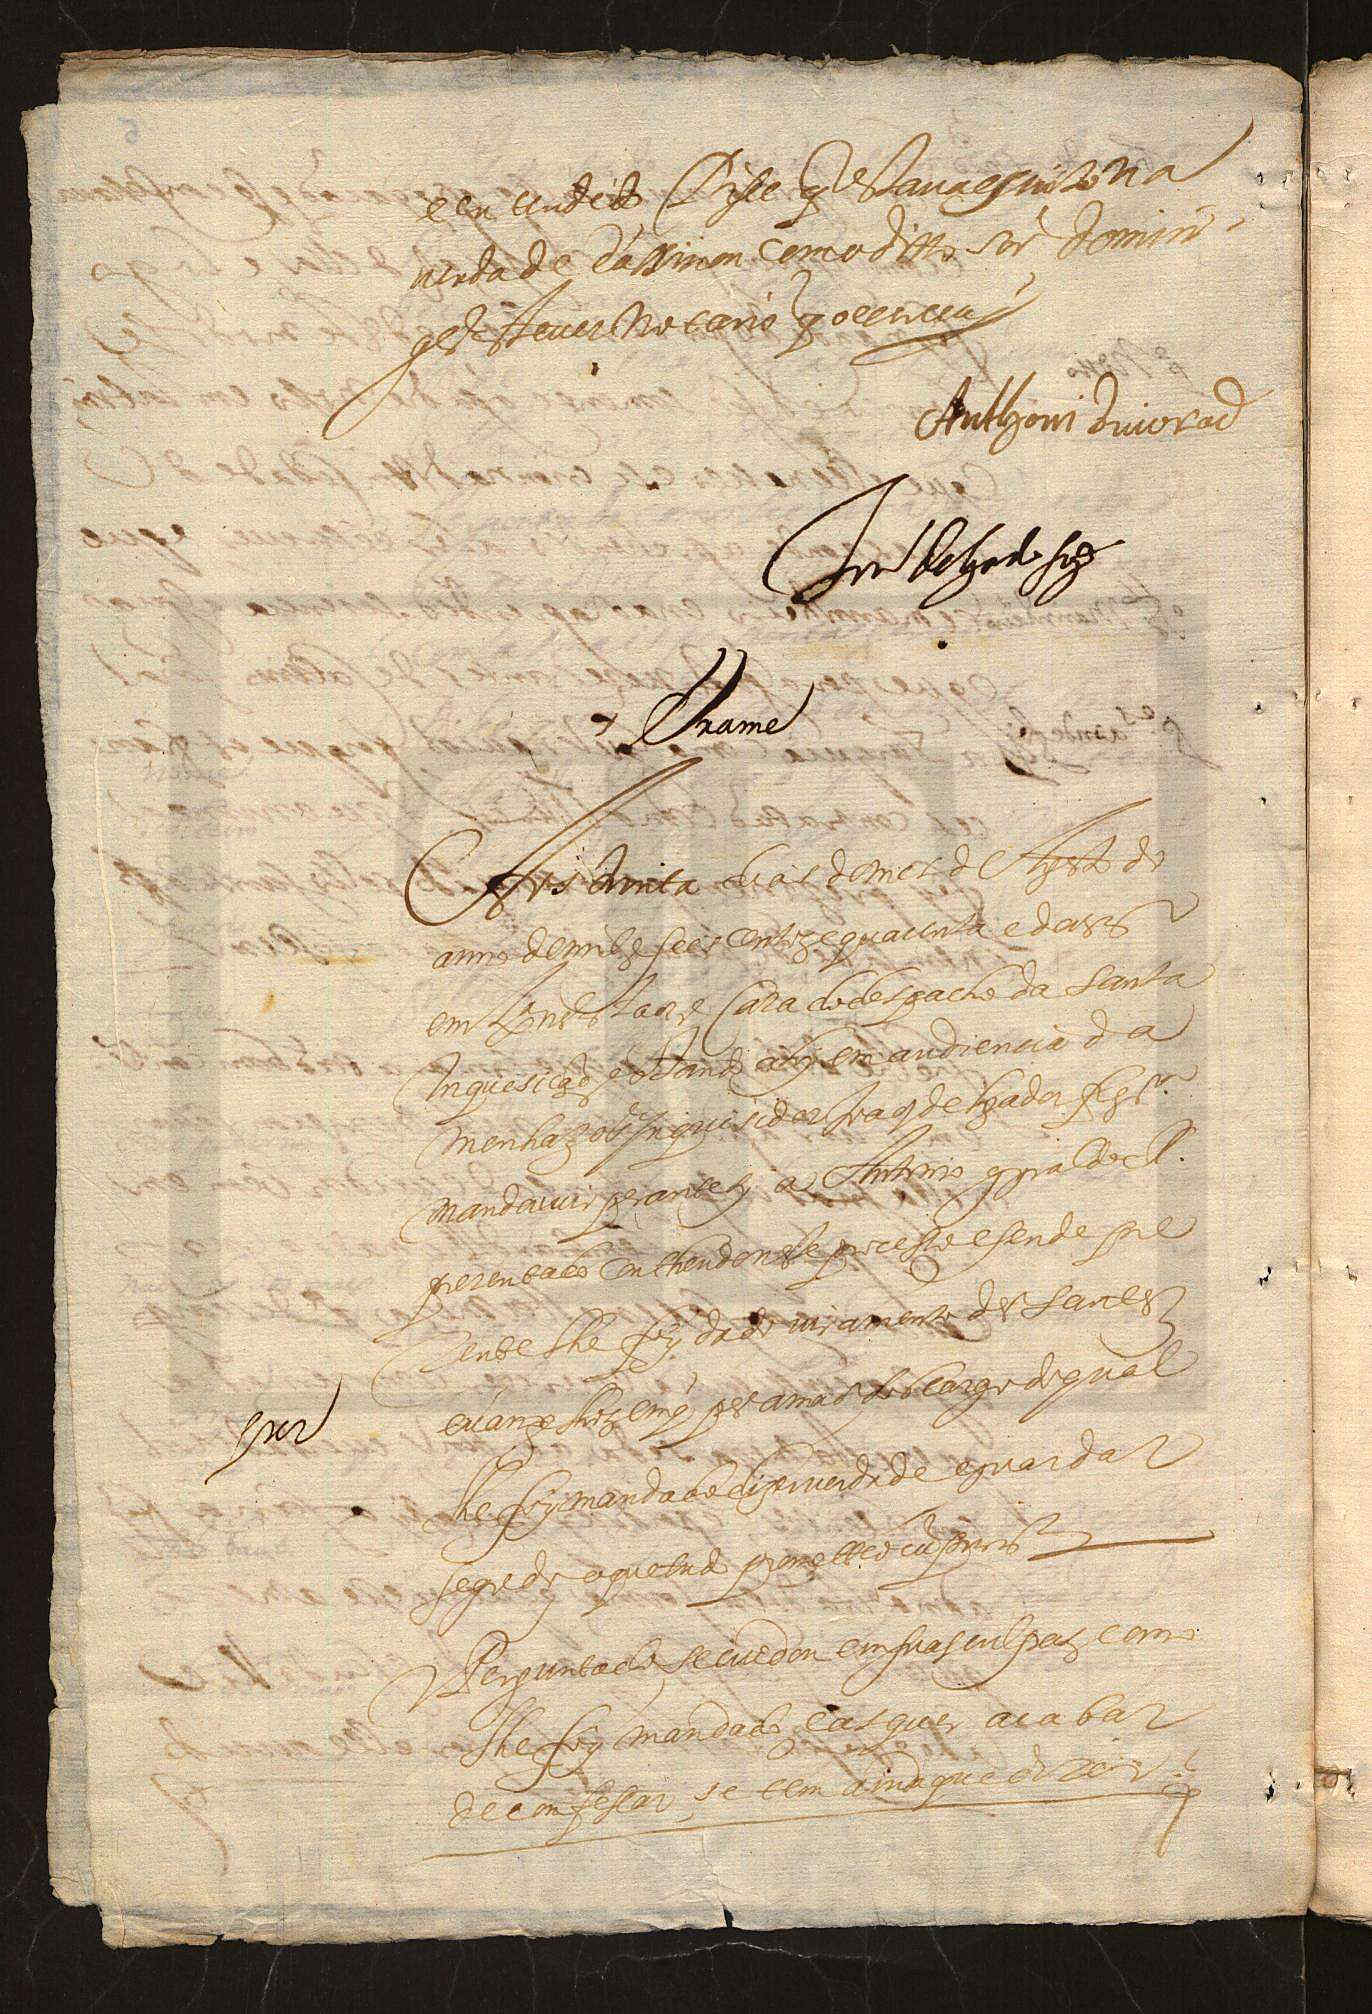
e entendido Disse q̄ estaua escrito na
uerdade e assinou com o ditto sor̄ domin
gos esteues notario q̄ o escreuy
Anthoni Guirrad
Joaõ delgado figa
Exame
Aos trinta dias do mes de Agosto do
anno de mil e seiscentos e quarenta e dous
em Lxa nos estaos e Caza do despacho da santa
Inquisiçaõ estando ahy em audiencia da
menhā o sor Jnquisidor Joaõ delgado fig.ra
mandou uir perante sy a Antonio gyraldo R.
prezentado contheudo neste processo e sendo pre
zente lhe foy dado iuramento dos santos
euangelhos em q̄ pos a maõ sob cargo do qual
jur
lhe foy mandado dizer uerdade e guardar
segredo o que tudo prometteo cūprir
item Perguntado se cuidou em suas culpas como
lhe foy mandado e as quer acabar
de confessar, se tem ainda que dizer
